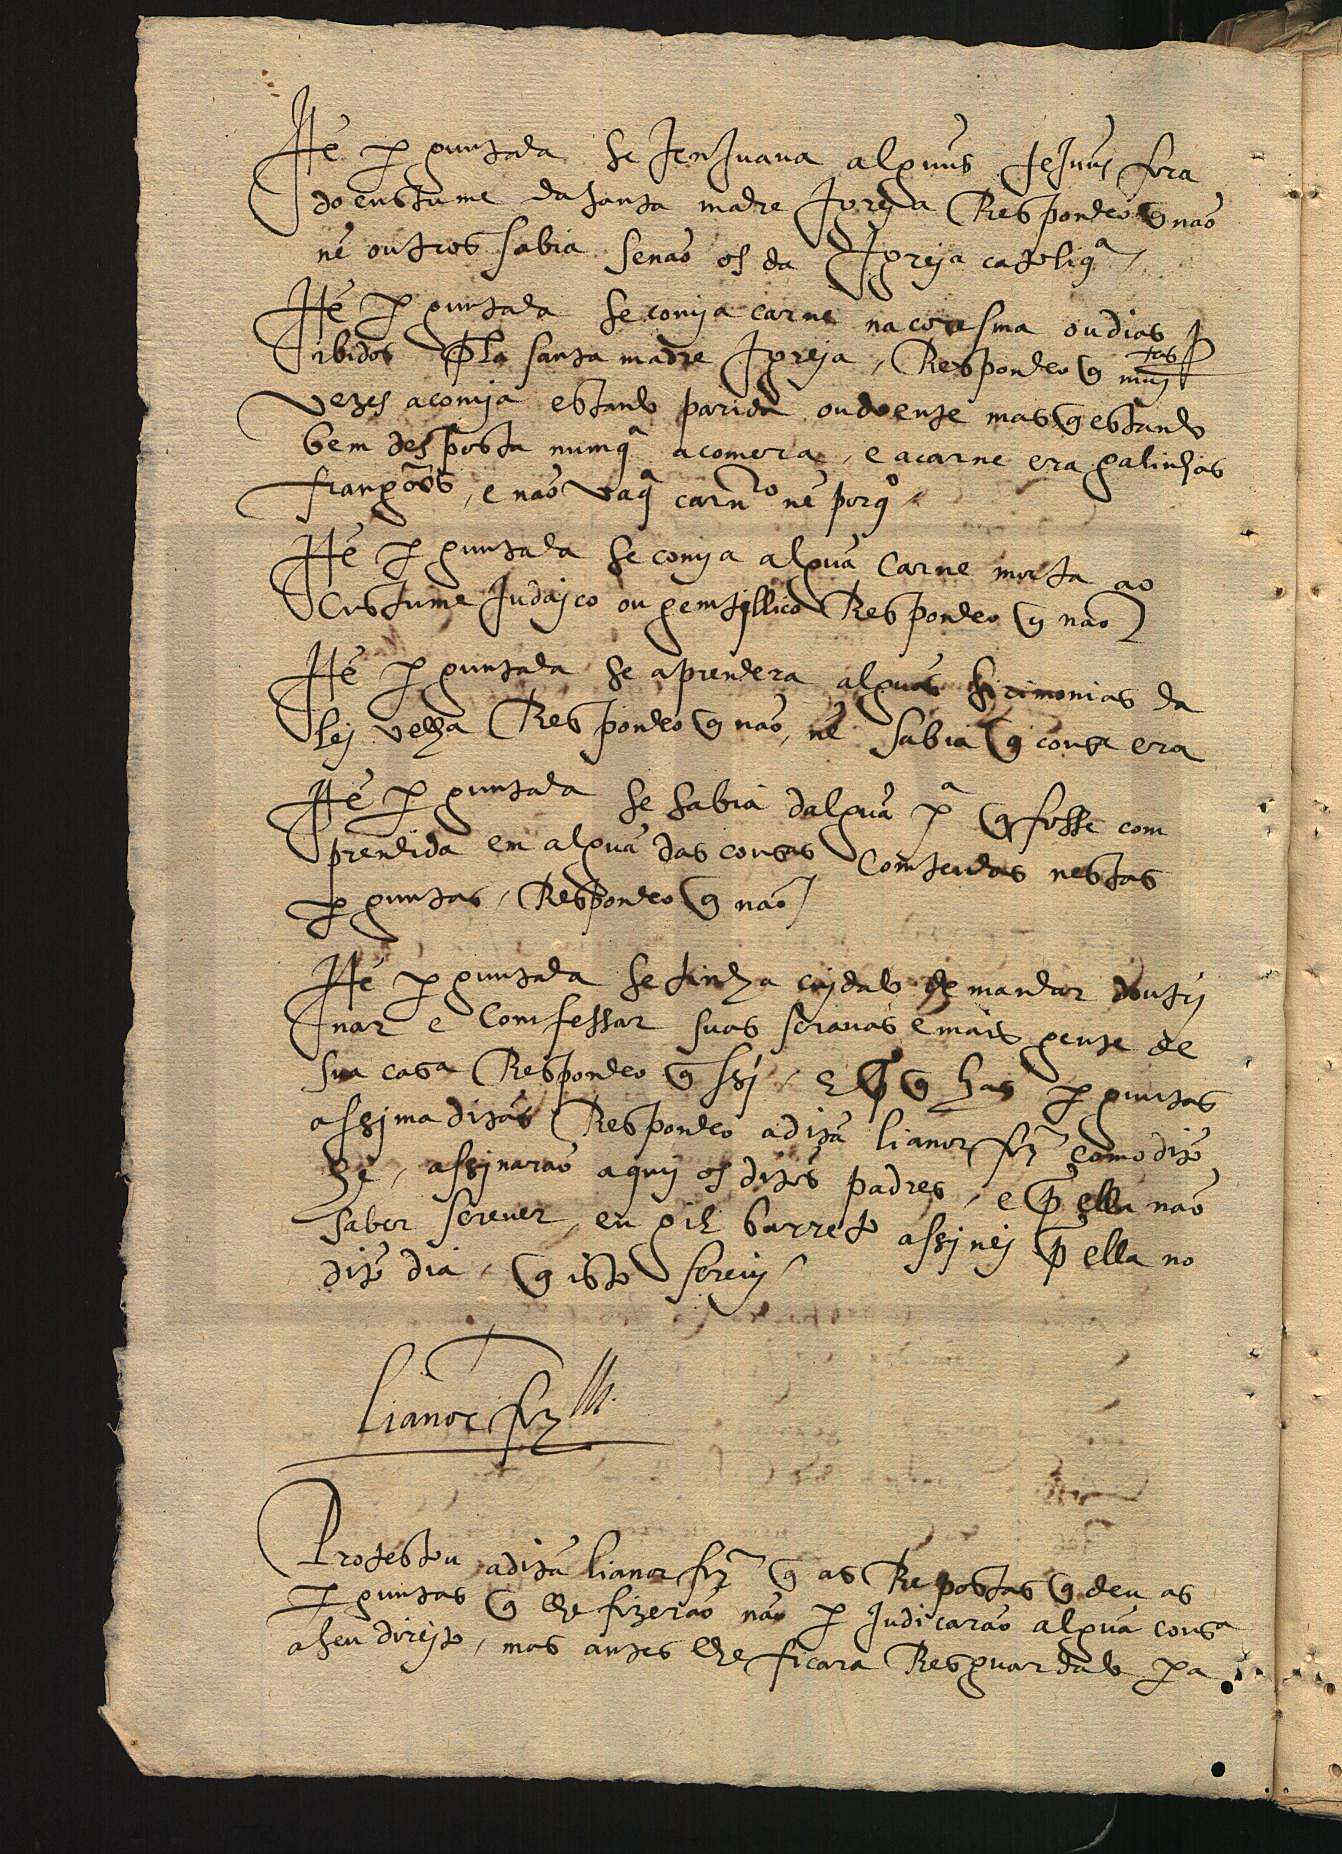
Jtē ꝑguntada Se JenJuaua alguūs Jejuūs fora
do custume da Santa madre Jgreja Respondeo q̄ naõ
nē outros sabia Senaõ os da Jgerja catoliqa /
Jtē ꝑguntada Se comja carne na coresma ou dias ꝓ
ibidos p̄la santa madre Jgreja / Respondeo q̄ mujtas
vezes a comja estando parida ou doente mas q̄ estando
bem desposta numqa a comera / e a carne era galinhas
frangãos / e naõ vaqa carnro nē porqo /
Jtē ꝑguntada Se comja alguā Carne morta ao
Custume Judajco ou gemtjllico Respondeo q̄ não
Jtē ꝑguntada Se aprendera alguās Sirimonias da
lej velha Respondeo q̄ naõ / nē Sabia q̄ cousa era
Jtē ꝑguntada Se Sabia dalguā pa q̄ fosse com
prendida em alguā das cousas Comteudas nestas
ꝑguntas / Respondeo q̄ naõ /
Jtē ꝑguntada Se tinha cujdado de mandar doutrj
nar e Comfessar suas scrauas e mais gente de
sua casa Respondeo q̄ ssj / E p̄oq̄ as ꝑguntas
assjma ditas Respondeo a ditā lianor frz̄ como ditō
he / assjnaraão aquj os ditos padres / e p̄o ella naō
saber screuer / eu gil barreto assjnej p̄o ella no
ditō dia / q̄ isto screuj /
Lianor frz
Protestou a ditā lianor frz̄ q̄ as Repostas q̄ deu as
ꝑguntas q̄ lhe fizeraõ não ꝑJudicarão alguā cousa
a seu direjto / mas antes lhe ficara Resguardado ꝑa
